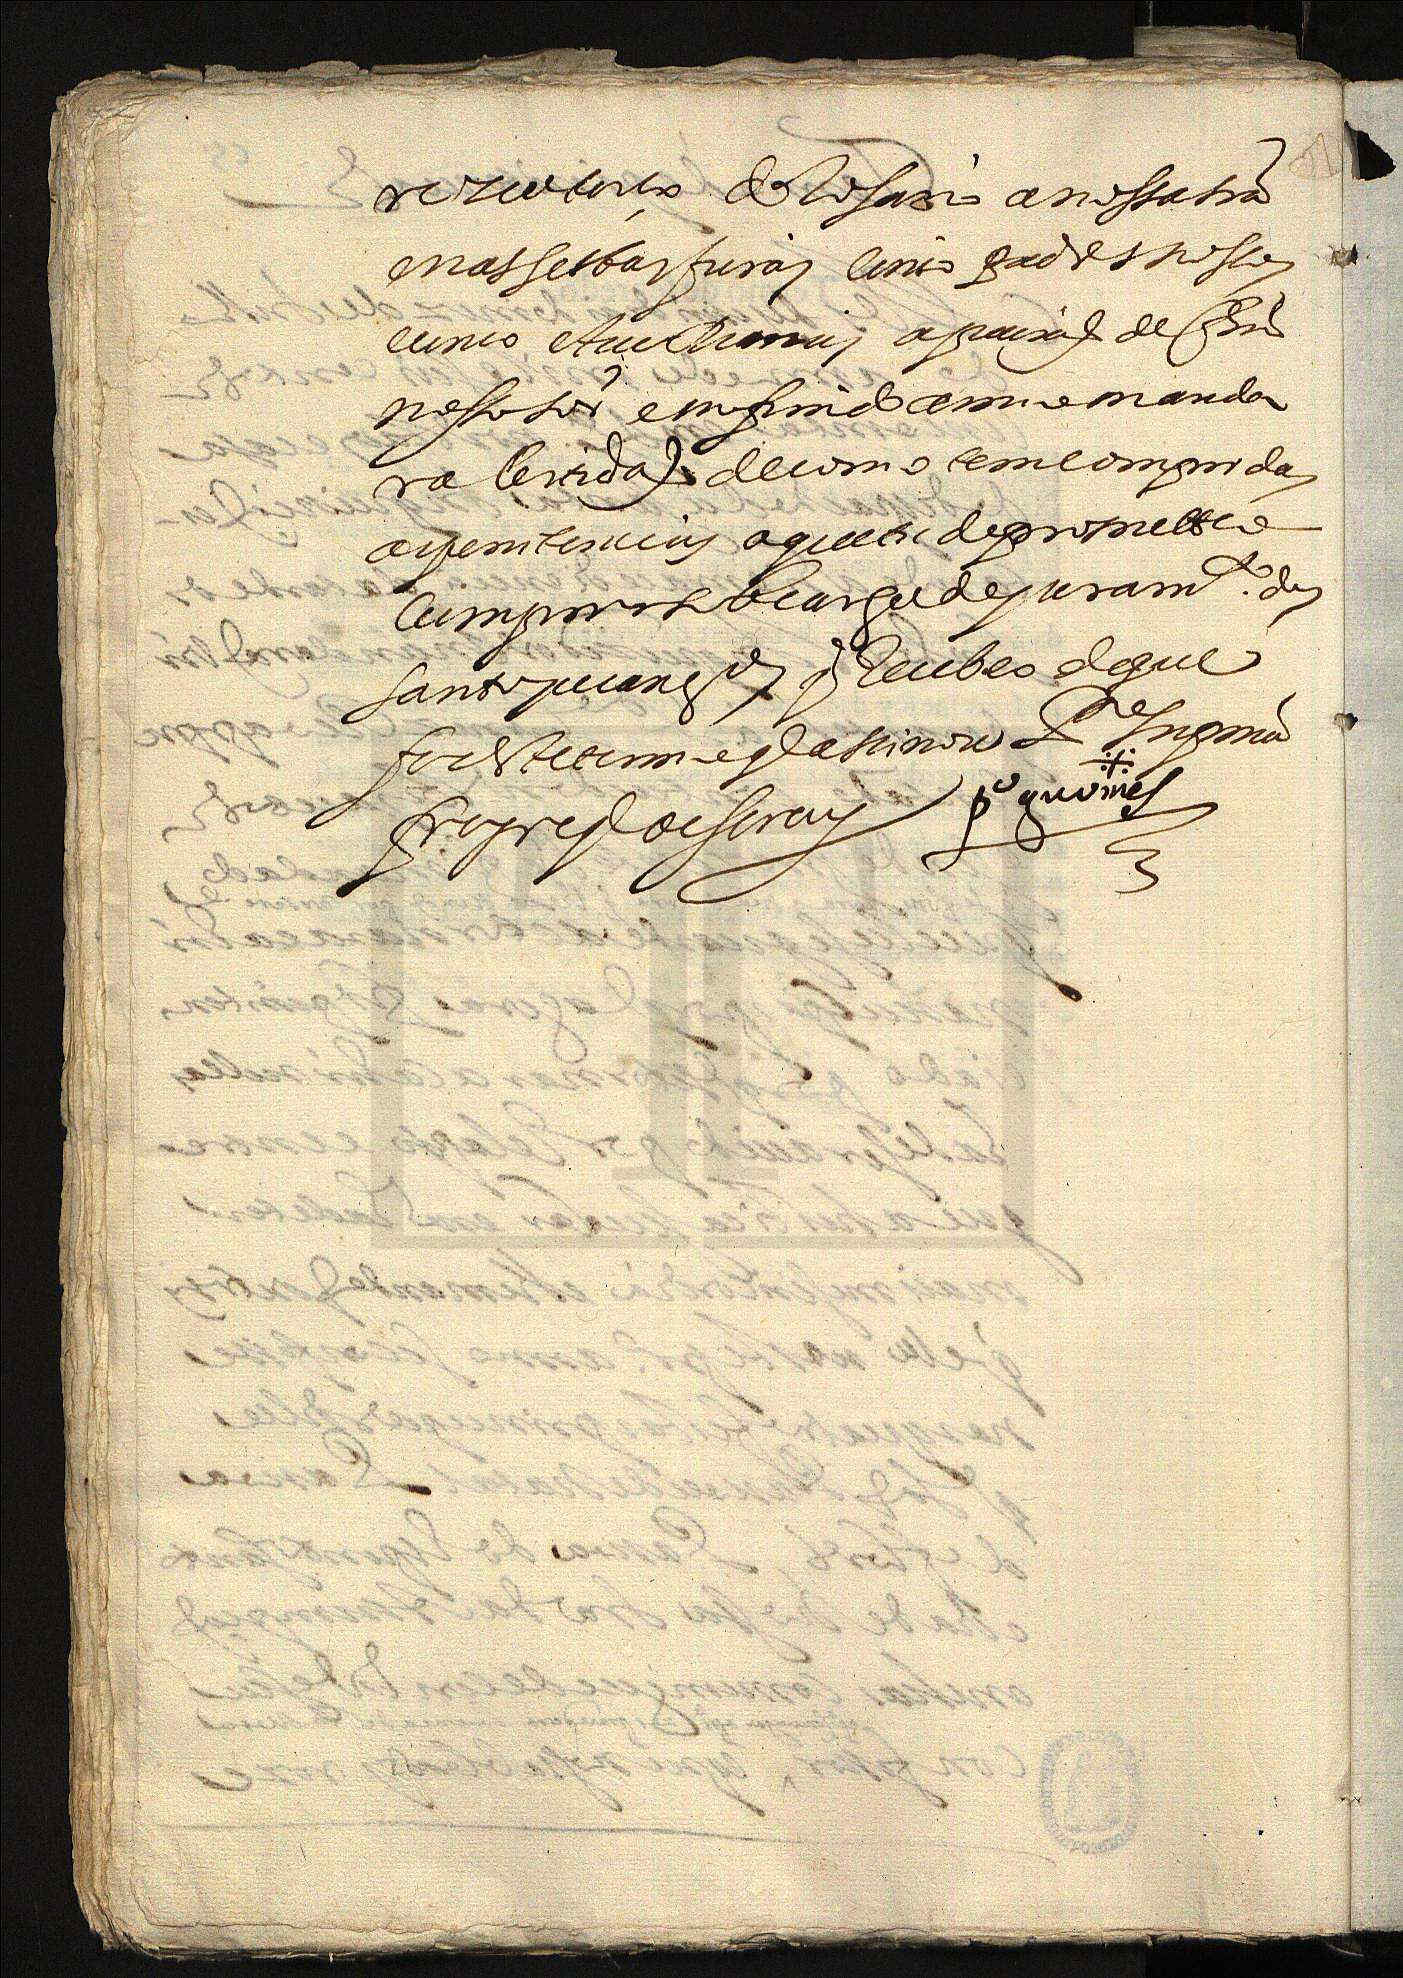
reze o terço do Rosario a nossa srā
e nas sestas feiras cinco padres nossos
e cinco Aue Marias a paixaõ de Chrs̄
nosso sor̄ e no fim do anno manda
ra Certidaõ de como tem compridas
as penitencias a que tudo prometteo
cumprir sob cargo de juramto. dos
santos euangos q̄ Recebeo de que
fiz este termo q̄ assinou Po Lupina
freyre q̄ o escreuj
